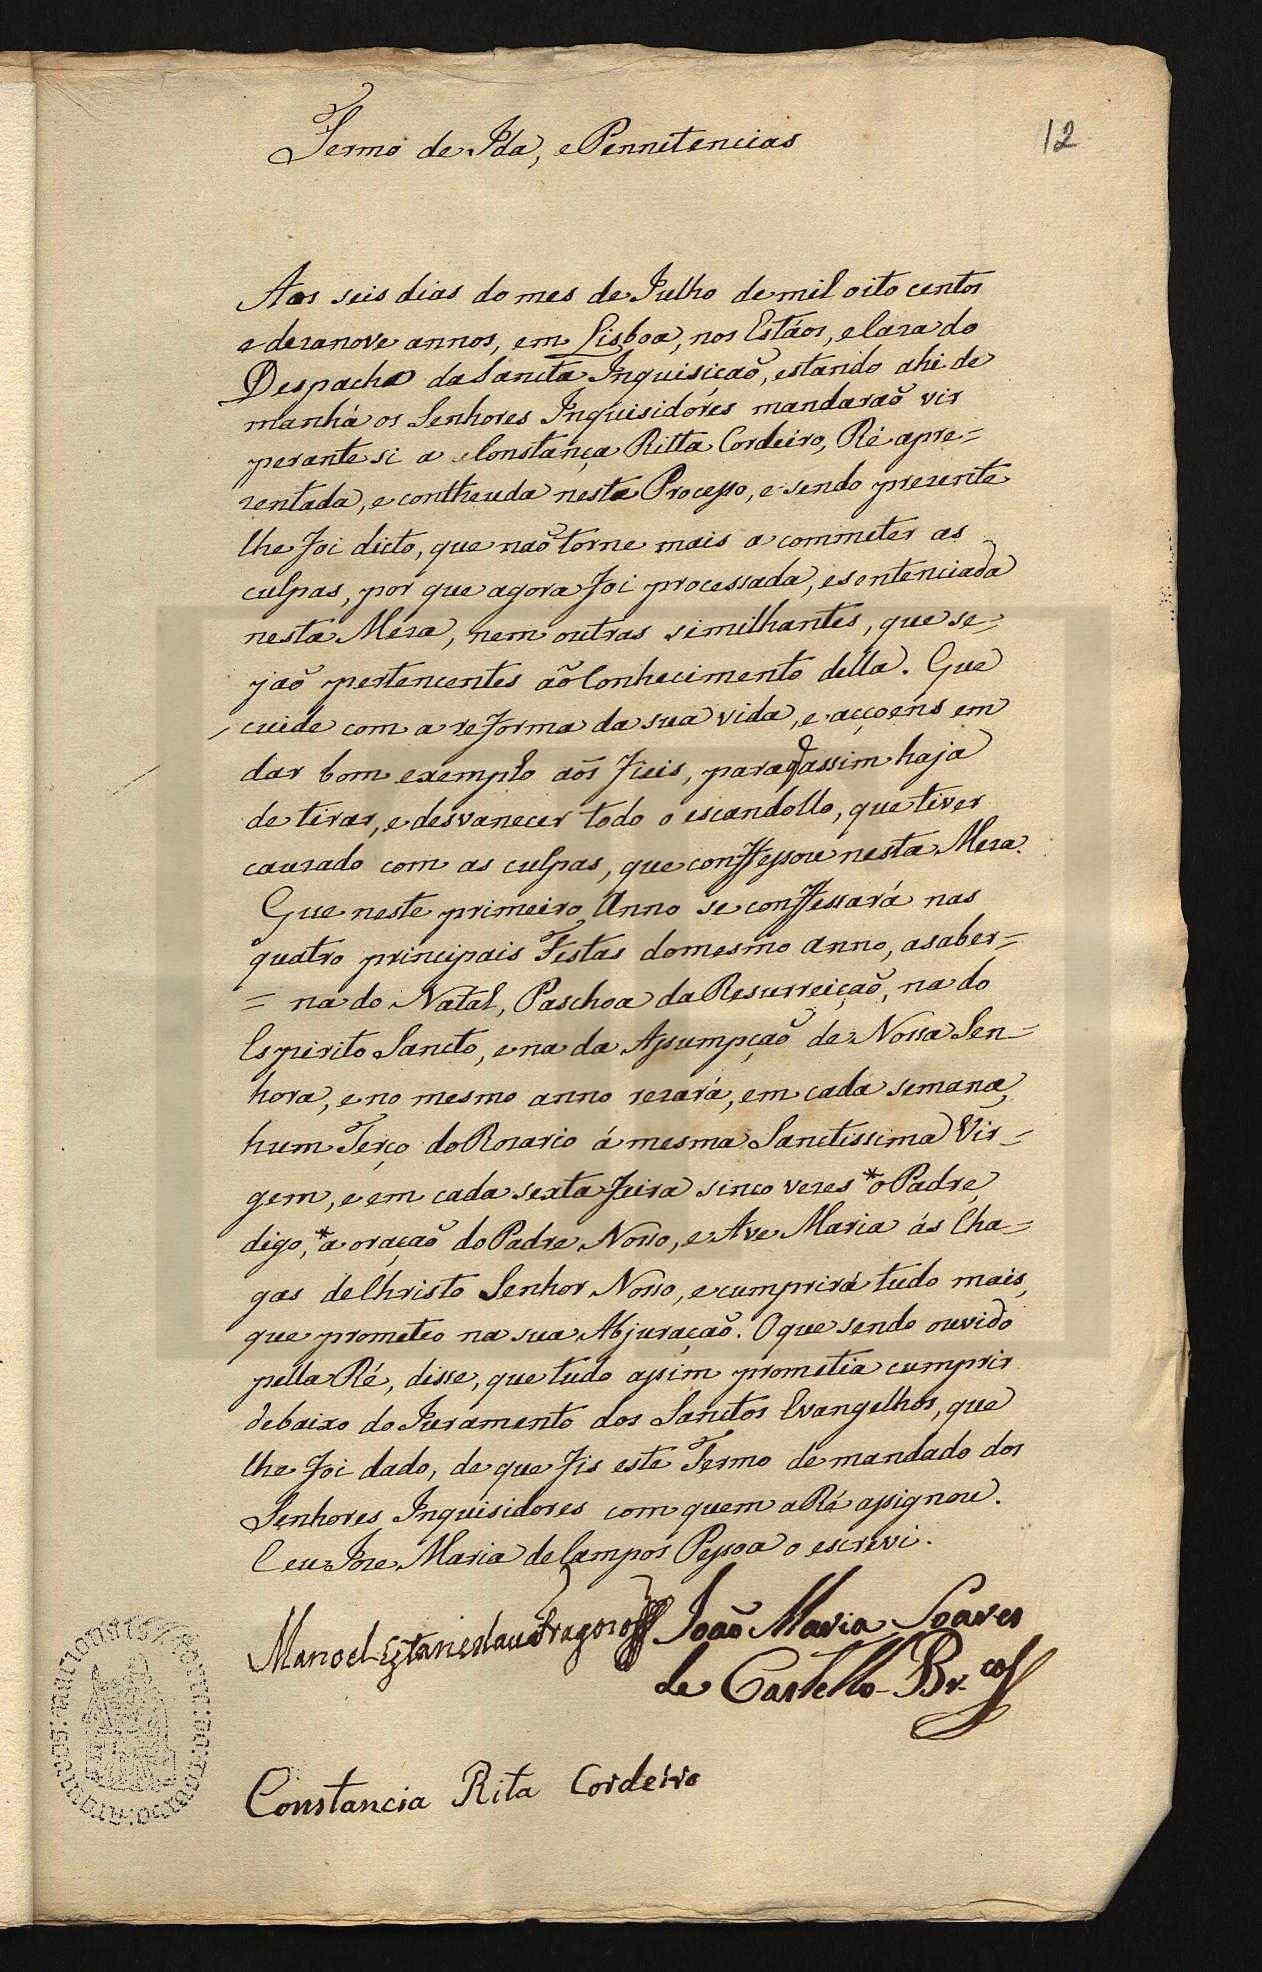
Termo de Ida, e Pennitencias
Aos seis dias do mes de Iulho de mil oitocentos
e dezanove annos, em Lisboa, nos Estáos, e Caza do
Despacho da Sancta Inquisiçaõ, estando ahi de
manhã os Senhores Inquisidores mandaraõ vir
perante si a Constança Ritta Cordeiro, Ré apre
zentada, e contheuda nesta Processo, e sendo prezente
lhe foi dicto, que naõ torne mais a commeter as
culpas, porque agora foi processada, e sentenciada
nesta Meza, nem outras similhantes, que se
jaõ pertencentes aõ conhecimento della. Que
cuide com a reforma da sua vida, e acçoens em
dar bom exemplo aós fieis, para q̄ assim haja
de tirar, e desvanecer todo o escandollo, que tiver
cauzado com as culpas, que conffessou nesta Meza.
Que neste primeiro anno se conffessará nas
quatro principais Festas do mesmo anno, a saber
na do Natal, Paschoa da Resurreiçaõ, na do
Espirito Sancto, e na da Assumpçaõ de Nossa Sen
hora, e no mesmo anno rezará, em cada semana,
hum Terço do Rozario á mesma Sanctissima Vir
gem, e em cada sexta feira sinco vezes o Padre,
digo, a oraçaõ do Padre Nosso, e Ave Maria ás Cha
gas de Christo Senhor Nosso, e cumprirá tudo mais
que prometeo na sua Abjuraçaõ. O que sendo ouvido
pella Ré, disse, que tudo assim prometia cumprir
debaixo do Iuramento dos Sanctos Evangelhos, que
lhe foi dado, de que fis este Termo de mandado dos
Senhores Inquisidores com quem a Ré assignou.
E eu Ioze Maria de Campos Pessoa o escrevi.
Manoel Estanislau Fragoso Ioaõ Maria Soares
de Castello Br.co
Constancia Rita Cordeiro
